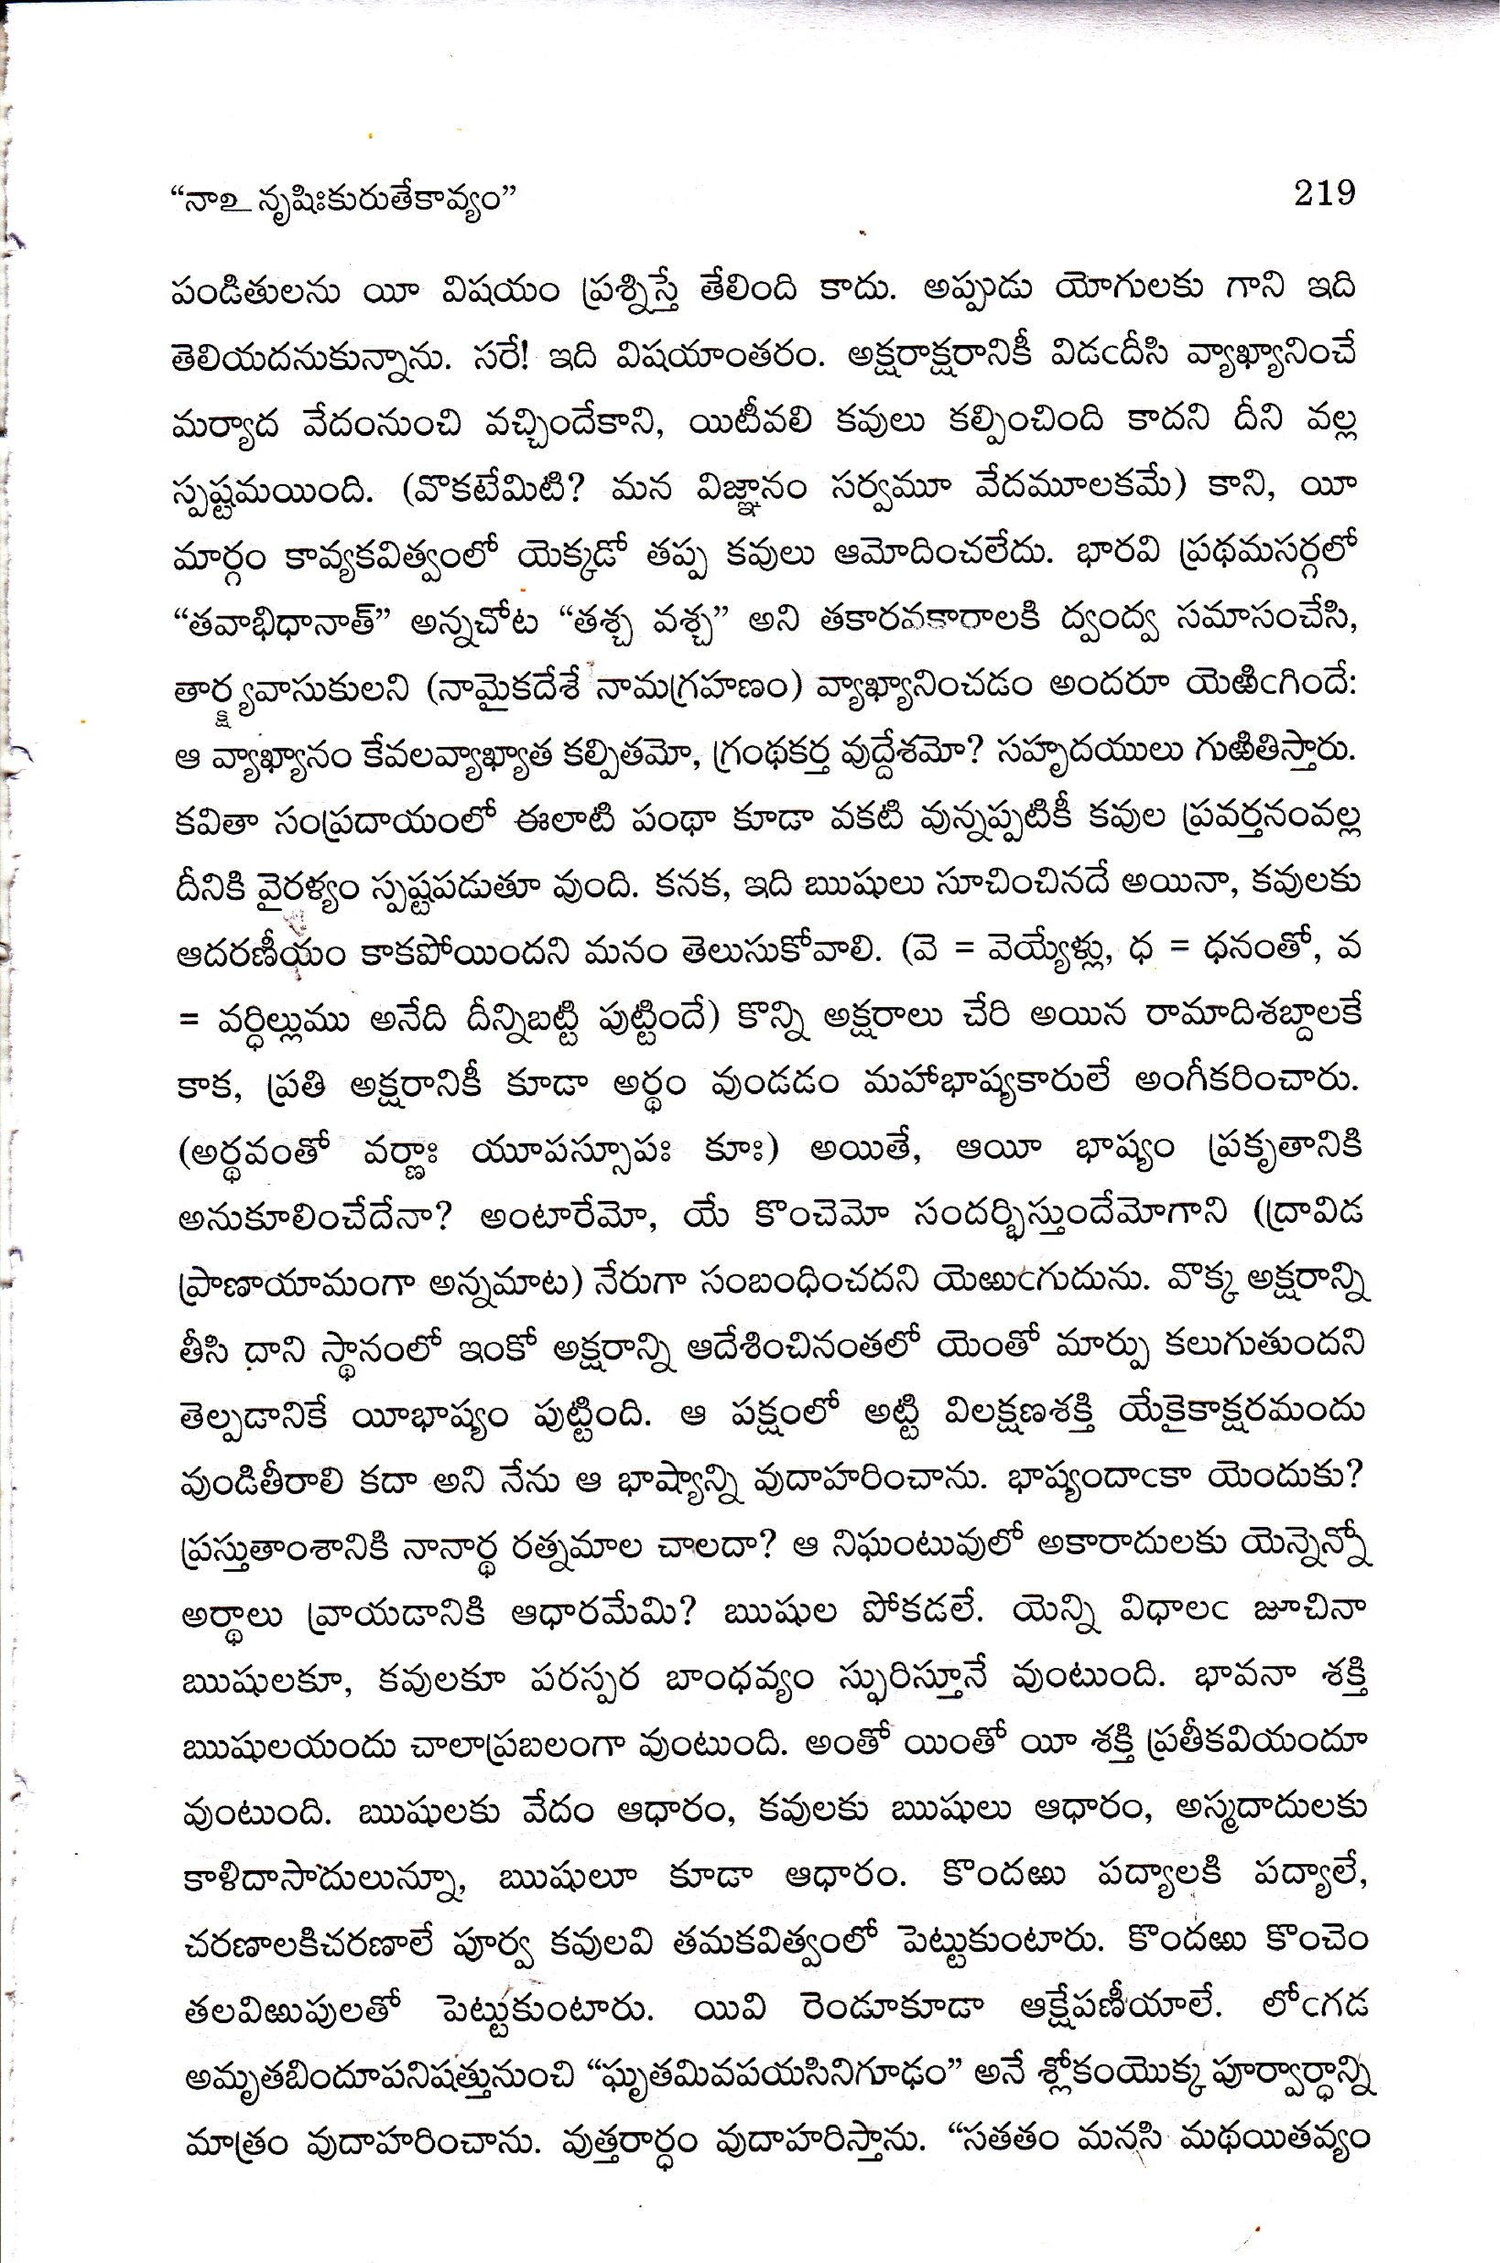పండితులను యీ విషయం ప్రశ్నిస్తే తేలింది కాదు. అప్పుడు యోగులకు గాని ఇది తెలియదనుకున్నాను. సరే! ఇది విషయాంతరం. అక్షరాక్షరానికీ విడcదీసి వ్యాఖ్యానించే మర్యాద వేదంనుంచి వచ్చిందేకాని, యిటీవలి కవులు కల్పించింది కాదని దీని వల్ల స్పష్టమయింది. (వొకటేమిటి? మన విజ్ఞానం సర్వమూ వేదమూలకమే) కాని, యీ మార్గం కావ్యకవిత్వంలో యెక్కడో తప్ప కవులు ఆమోదించలేదు. భారవి ప్రథమసర్గలో “తవాభిధానాత్” అన్నచోట “తశ్చ వశ్చ” అని తకారవకారాలకి ద్వంద్వ సమాసంచేసి, తార్క్ష్యవాసుకులని (నామైకదేశే నామగ్రహణం) వ్యాఖ్యానించడం అందరూ యెఱిఁగిందే. ఆ వ్యాఖ్యానం కేవలవ్యాఖ్యాత కల్పితమో, గ్రంథకర్త వుద్దేశమో? సహృదయులు గుఱితిస్తారు. కవితా సంప్రదాయంలో ఈలాటి పంథా కూడా వకటి వున్నప్పటికీ కవుల ప్రవర్తనంవల్ల దీనికి వైరళ్యం స్పష్టపడుతూ వుంది. కనక, ఇది ఋషులు సూచించినదే అయినా, కవులకు ఆదరణీయం కాకపోయిందని మనం తెలుసుకోవాలి. (వె = వెయ్యేళ్లు, ధ = ధనంతో, వ = వర్ధిల్లుము అనేది దీన్నిబట్టి పుట్టిందే) కొన్ని అక్షరాలు చేరి అయిన రామాదిశబ్దాలకే కాక, ప్రతి అక్షరానికీ కూడా అర్థం వుండడం మహాభాష్యకారులే అంగీకరించారు. (అర్థవంతో వర్ణాః యూపస్సూపః కూః) అయితే, ఆయీ భాష్యం ప్రకృతానికి అనుకూలించేదేనా? అంటారేమో, యే కొంచెమో సందర్భిస్తుందేమోగాని (ద్రావిడ ప్రాణాయామంగా అన్నమాట) నేరుగా సంబంధించదని యెఱుఁగుదును. వొక్క అక్షరాన్ని తీసి దాని స్థానంలో ఇంకో అక్షరాన్ని ఆదేశించినంతలో యెంతో మార్పు కలుగుతుందని తెల్పడానికే యీభాష్యం పుట్టింది. ఆ పక్షంలో అట్టి విలక్షణశక్తి యేకైకాక్షరమందు వుండితీరాలి కదా అని నేను ఆ భాష్యాన్ని వుదాహరించాను. భాష్యందాఁకా యెందుకు? ప్రస్తుతాంశానికి నానార్థ రత్నమాల చాలదా? ఆ నిఘంటువులో అకారాదులకు యెన్నెన్నో అర్థాలు వ్రాయడానికి ఆధారమేమి? ఋషుల పోకడలే. యెన్ని విధాలఁ జూచినా ఋషులకూ, కవులకూ పరస్పర బాంధవ్యం స్ఫురిస్తూనే వుంటుంది. భావనా శక్తి ఋషులయందు చాలాప్రబలంగా వుంటుంది. అంతో యింతో యీ శక్తి ప్రతీకవియందూ వుంటుంది. ఋషులకు వేదం ఆధారం, కవులకు ఋషులు ఆధారం, అస్మదాదులకు కాళిదాసాదులున్నూ, ఋషులూ కూడా ఆధారం. కొందఱు పద్యాలకి పద్యాలే, చరణాలకిచరణాలే పూర్వ కవులవి తమకవిత్వంలో పెట్టుకుంటారు. కొందఱు కొంచెం తలవిఱుపులతో పెట్టుకుంటారు. యివి రెండూకూడా ఆక్షేపణీయాలే. లోఁగడ అమృతబిందూపనిషత్తునుంచి "ఘృతమివపయసినిగూఢం" అనే శ్లోకంయొక్క పూర్వార్ధాన్ని మాత్రం వుదాహరించాను. వత్తరార్ధం వుదాహరిస్తాను. “సతతం మనసి మథయితవ్యం